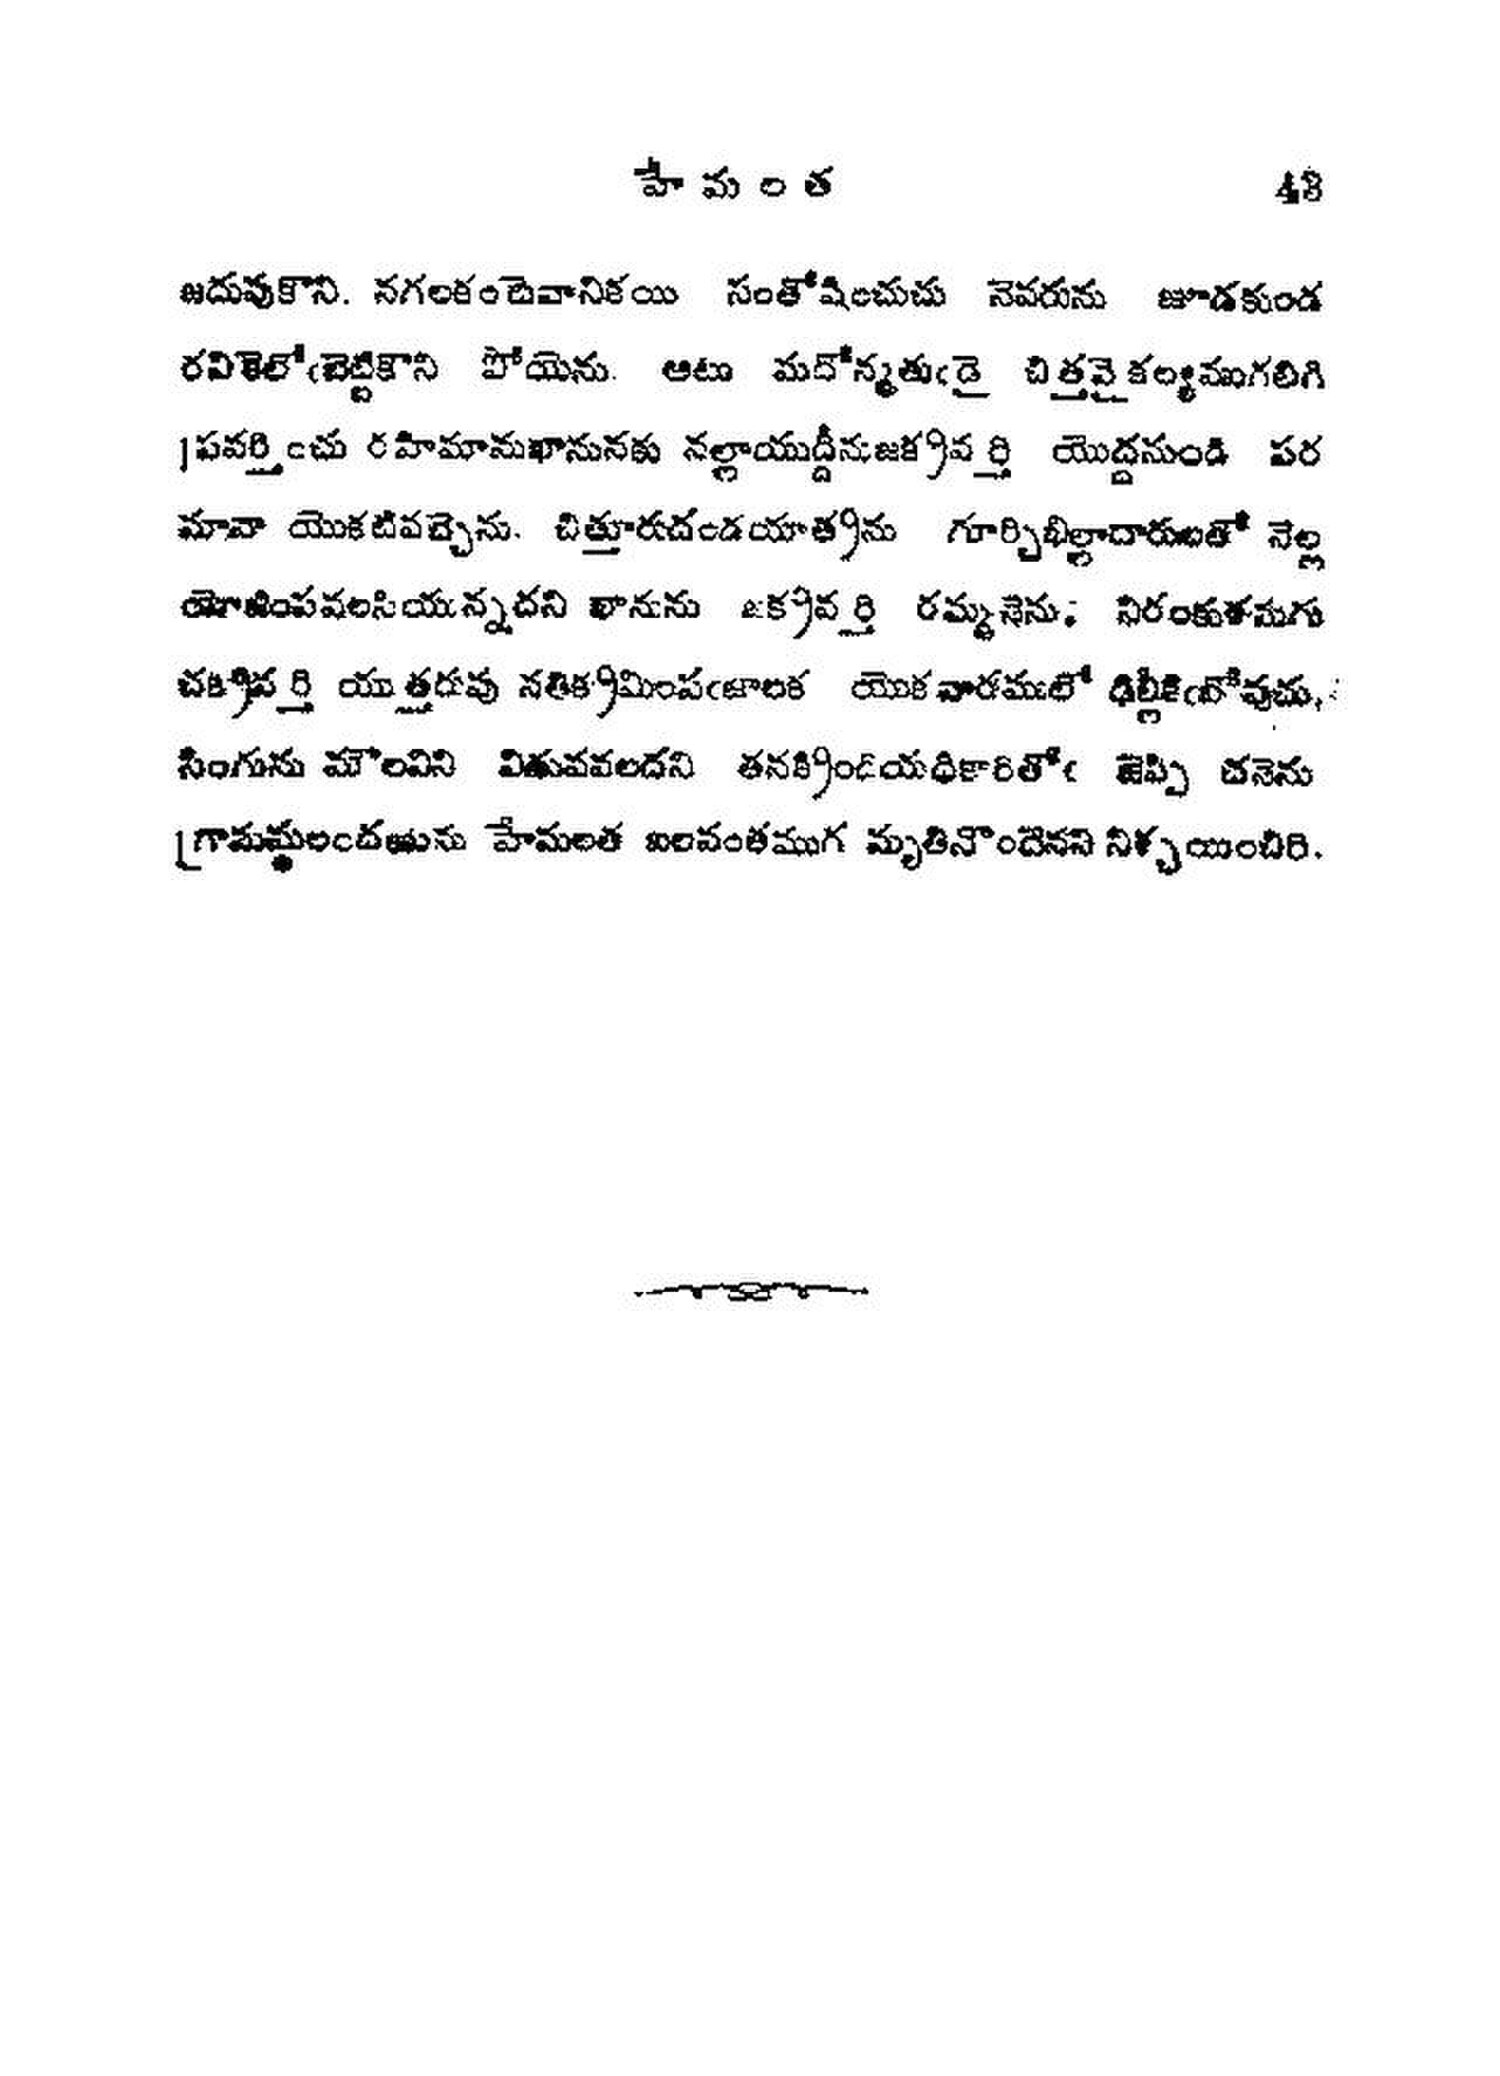జదువుకొని నగలకంటెవానికయి సంతోషించుచు నెవరును జూడకుండ రవికెలోఁబెట్టికాని పోయెను. అటు మదోన్మతుఁడై చిత్తవైకల్యముగలిగి ప్రవర్తించు రహిమానుఖానునకు నల్లాయుద్దీనుజక్రవర్తి యొద్దనుండి పరమానా యొకటివచ్చెను. చిత్తూరుదండయాత్రను గూర్చి ఖిల్లాదారులతో నెల్ల
యోజింపవలసియున్నదని ఖానును జక్రవర్తి రమ్మనెను. నిరంకుశముగు చక్రవర్తి యుత్తరువు నతిక్రమింపఁ జాలక యొక వారములో ఢిల్లీకిఁబోవుచు, సింగును మౌలవిని విడువవలదని తనక్రింది యధికారితోఁ జెప్పి చనెను. గ్రామస్థులందఱును హేమలత బలవంతముగ మృతినొందెనని నిశ్చయించిరి.